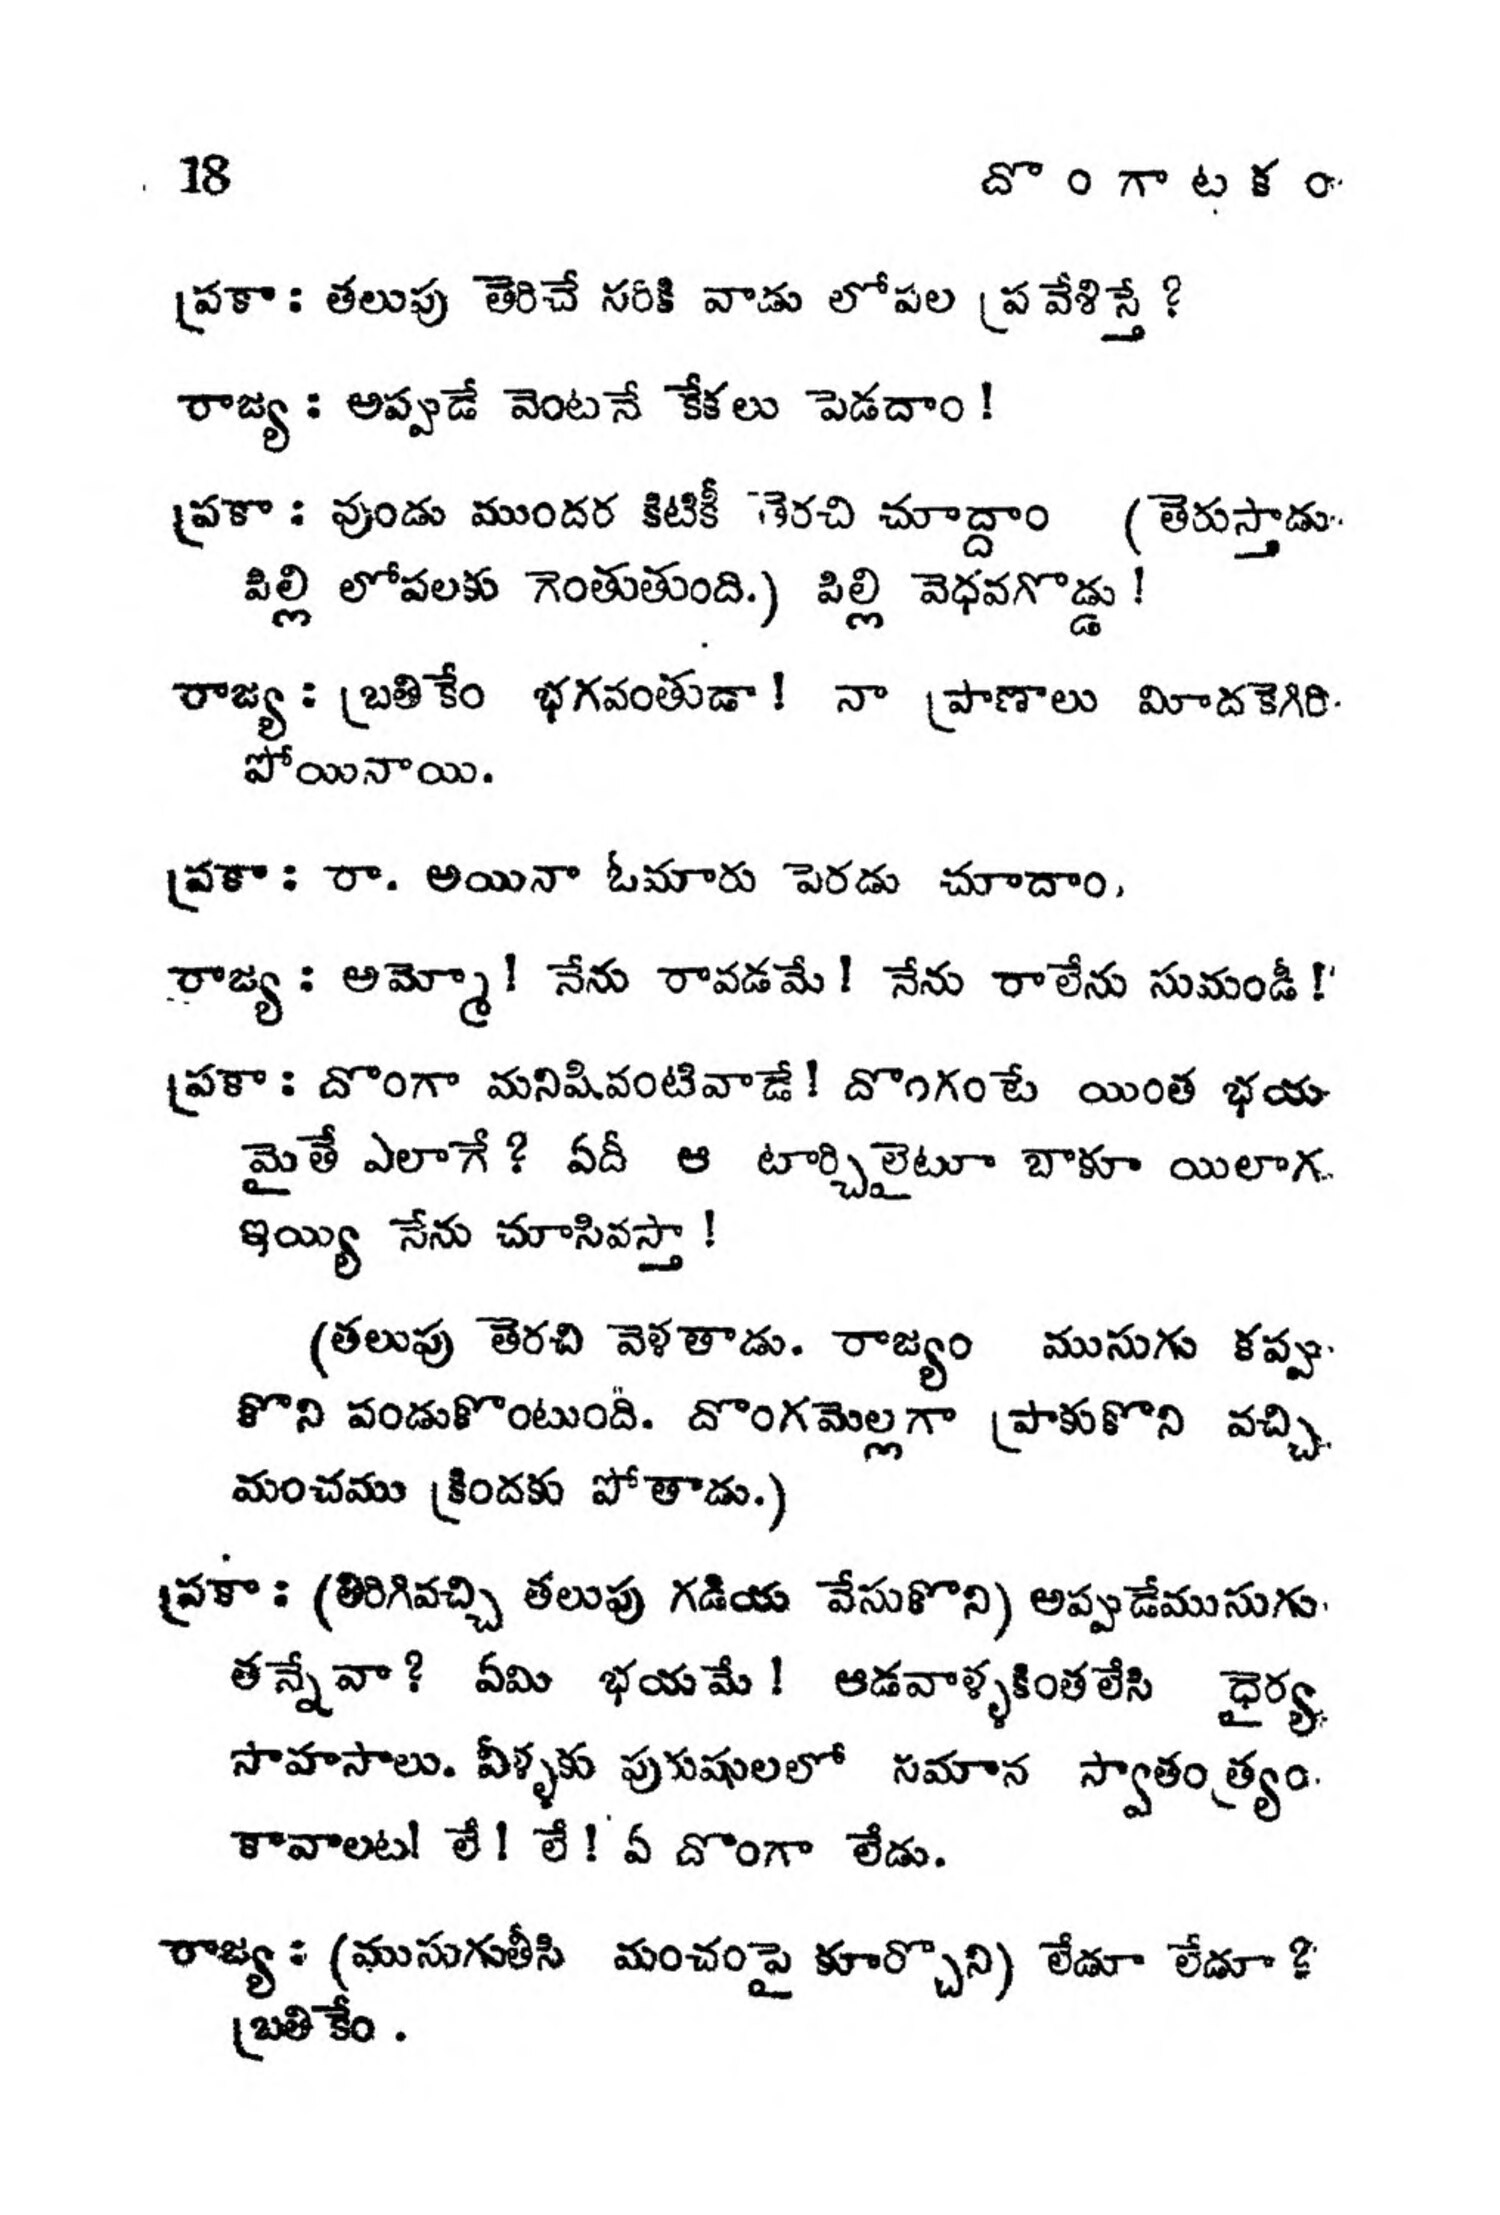ప్రకా : తలుపు తెరిచే సరికి వాడు లోపల ప్రవేశిస్తే ?

రాజ్య : అప్పుడే వెంటనే కేకలు పెడదాం!

ప్రకా : వుండు ముందర కిటికీ తెరచి చూద్దాం (తెరుస్తాడు పిల్లి లోపలకు గెంతుతుంది.) పిల్లి వెధవగొడ్డు!

రాజ్య : బ్రతికేం భగవంతుడా! నా ప్రాణాలు మీదకెగిరి పోయినాయి.

ప్రకా : రా. అయినా ఓమారు పెరడు చూద్దాం.

రాజ్య : అమ్మో! నేను రావడమే! నేను రాలేను సుమండీ!

ప్రకా : దొంగా మనిషివంటివాడే! దొంగంటే యింత భయమైతే ఎలాగే? ఏదీ ఆ టార్చిలైటూ బాకూ యిలాగ ఇయ్యి నేను చూసివస్తా!

(తలుపు తెరచి వెళతాడు. రాజ్యం ముసుగు కప్పుకొని పండుకొంటుంది. దొంగమెల్లగా ప్రాకుకొని వచ్చి మంచము క్రిందకు పోతాడు.)

ప్రకా : (తిరిగివచ్చి తలుపు గడియ వేసుకొని) అప్పుడేముసుగు తన్నేనా? ఏమి భయమే! ఆడవాళ్ళకింతలేసి ధైర్య
సాహసాలు. వీళ్ళకు పురుషులలో సమాన స్వాతంత్ర్యం. కావాలట! లే! లే! ఏ దొంగా లేడు.

రాజ్య : (ముసుగుతీసి మంచంపై కూర్చొని) లేడూ లేడూ? బ్రతికేం.